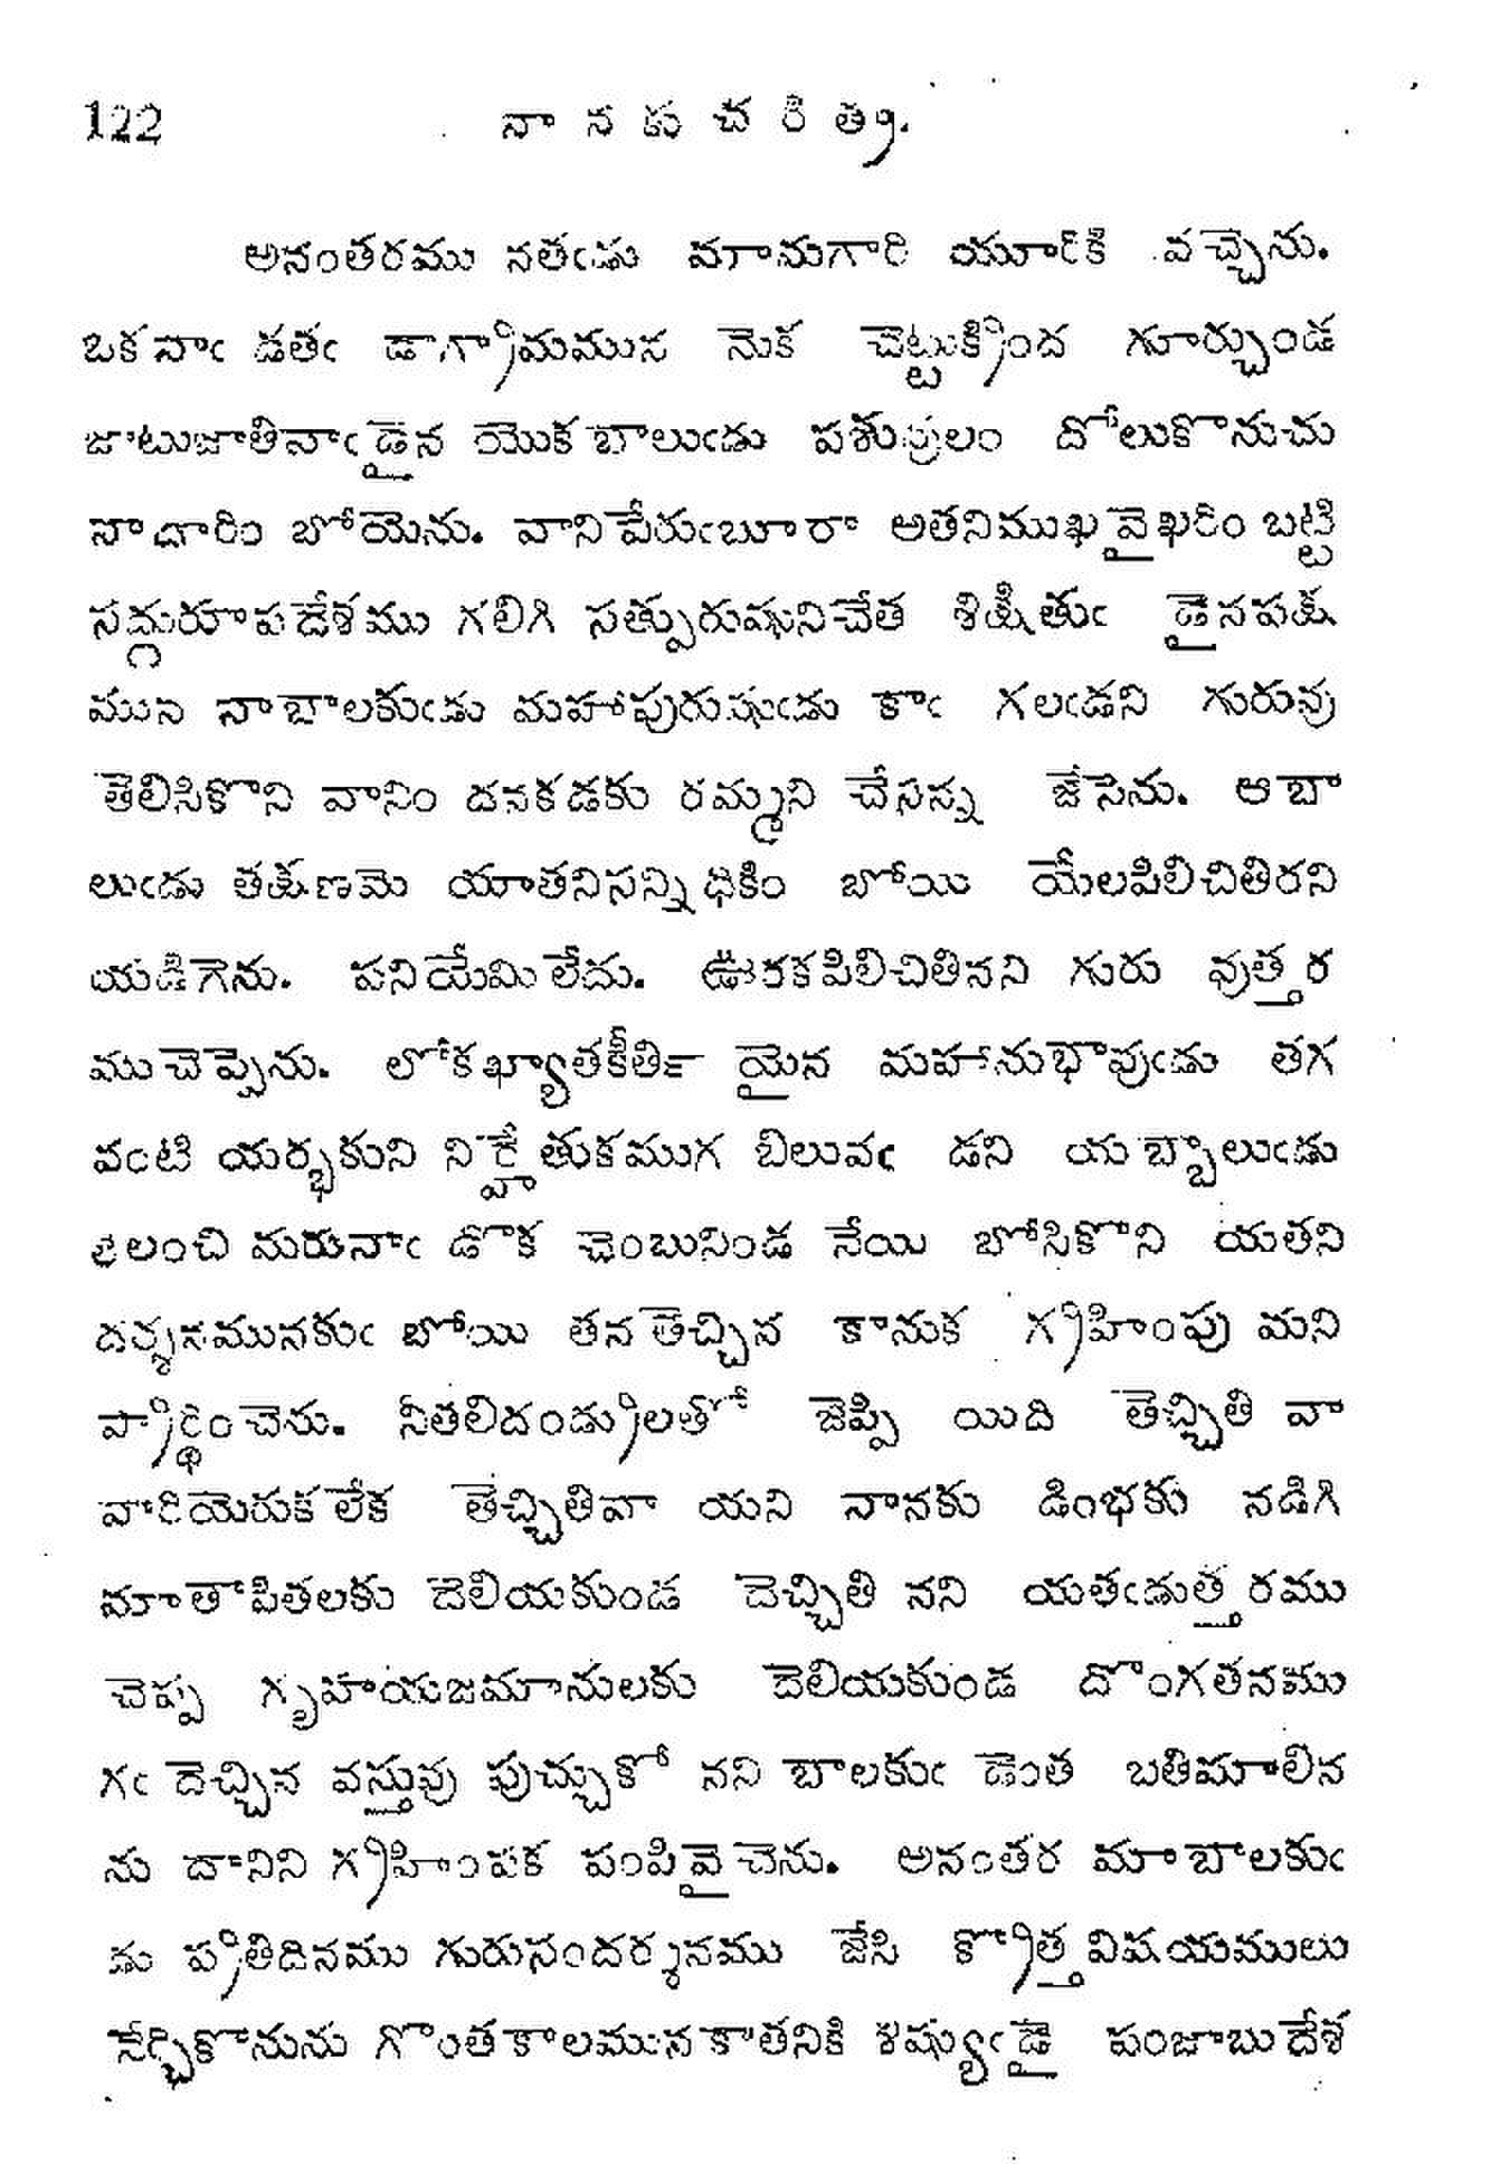అనంతరము నతడు మామగారి యూరికి వచ్చెను. ఒకనా డత డాగ్రామమున నొక చెట్టుక్రింద గూర్చుండ జాటుజాతివాడైన యొకబాలుడు పశువులం దోలుకొనుచు నాదారిం బోయెను. వానిపేరు బూరా అతనిముఖవైఖరిం బట్టి సద్గురూపదేశము గలిగి సత్పురుషునిచేత శిక్షితు డైనపక్షమున నాబాలకుడు మహాపురుషుడు కా గలడని గురువు తెలిసికొని వానిం దనకడకు రమ్మని చేసన్న జేసెను. అబాలుడు తక్షణమె యాతనిసన్నిధికిం బోయి యేలపిలిచితిరని యడిగెను. పనియేమి లేదు. ఊరకపిలిచితినని గురు వుత్తరము చెప్పెను. లోకఖ్యాతకీతిన్ యైన మహానుభావుడు తగవంటి యర్భకుని నిర్హేతుకముగ బిలువ డని యబ్బాలుడు తలంచి మరునా డొక చెంబునిండ నేయి బోసికొని యతని దర్శనమునకు బోయి తనతెచ్చిన కానుక గ్రహింపు మని ప్రార్థించెను. నీతలిదండ్రులతో జెప్పి యిది తెచ్చితి వా వారియెరుకలేక తెచ్చితివా యని నానకు డింభకు నడిగి మాతాపితలకు దెలియకుండ దెచ్చితి నని యతడుత్తరము చెప్ప గృహయజమానులకు దెలియకుండ దొంగతనముగ దెచ్చిన వస్తువు పుచ్చుకో నని బాలకు డెంత బతిమాలినను దానిని గ్రహింపక పంపివైచెను. అనంతర మాబాలకుడు ప్రతిదినము గురుసందర్శనము జేసి క్రొత్తవిషయములు నేర్చికొనును గొంతకాలమునకాతనికి శిష్యుడై పంజాబుదేశ